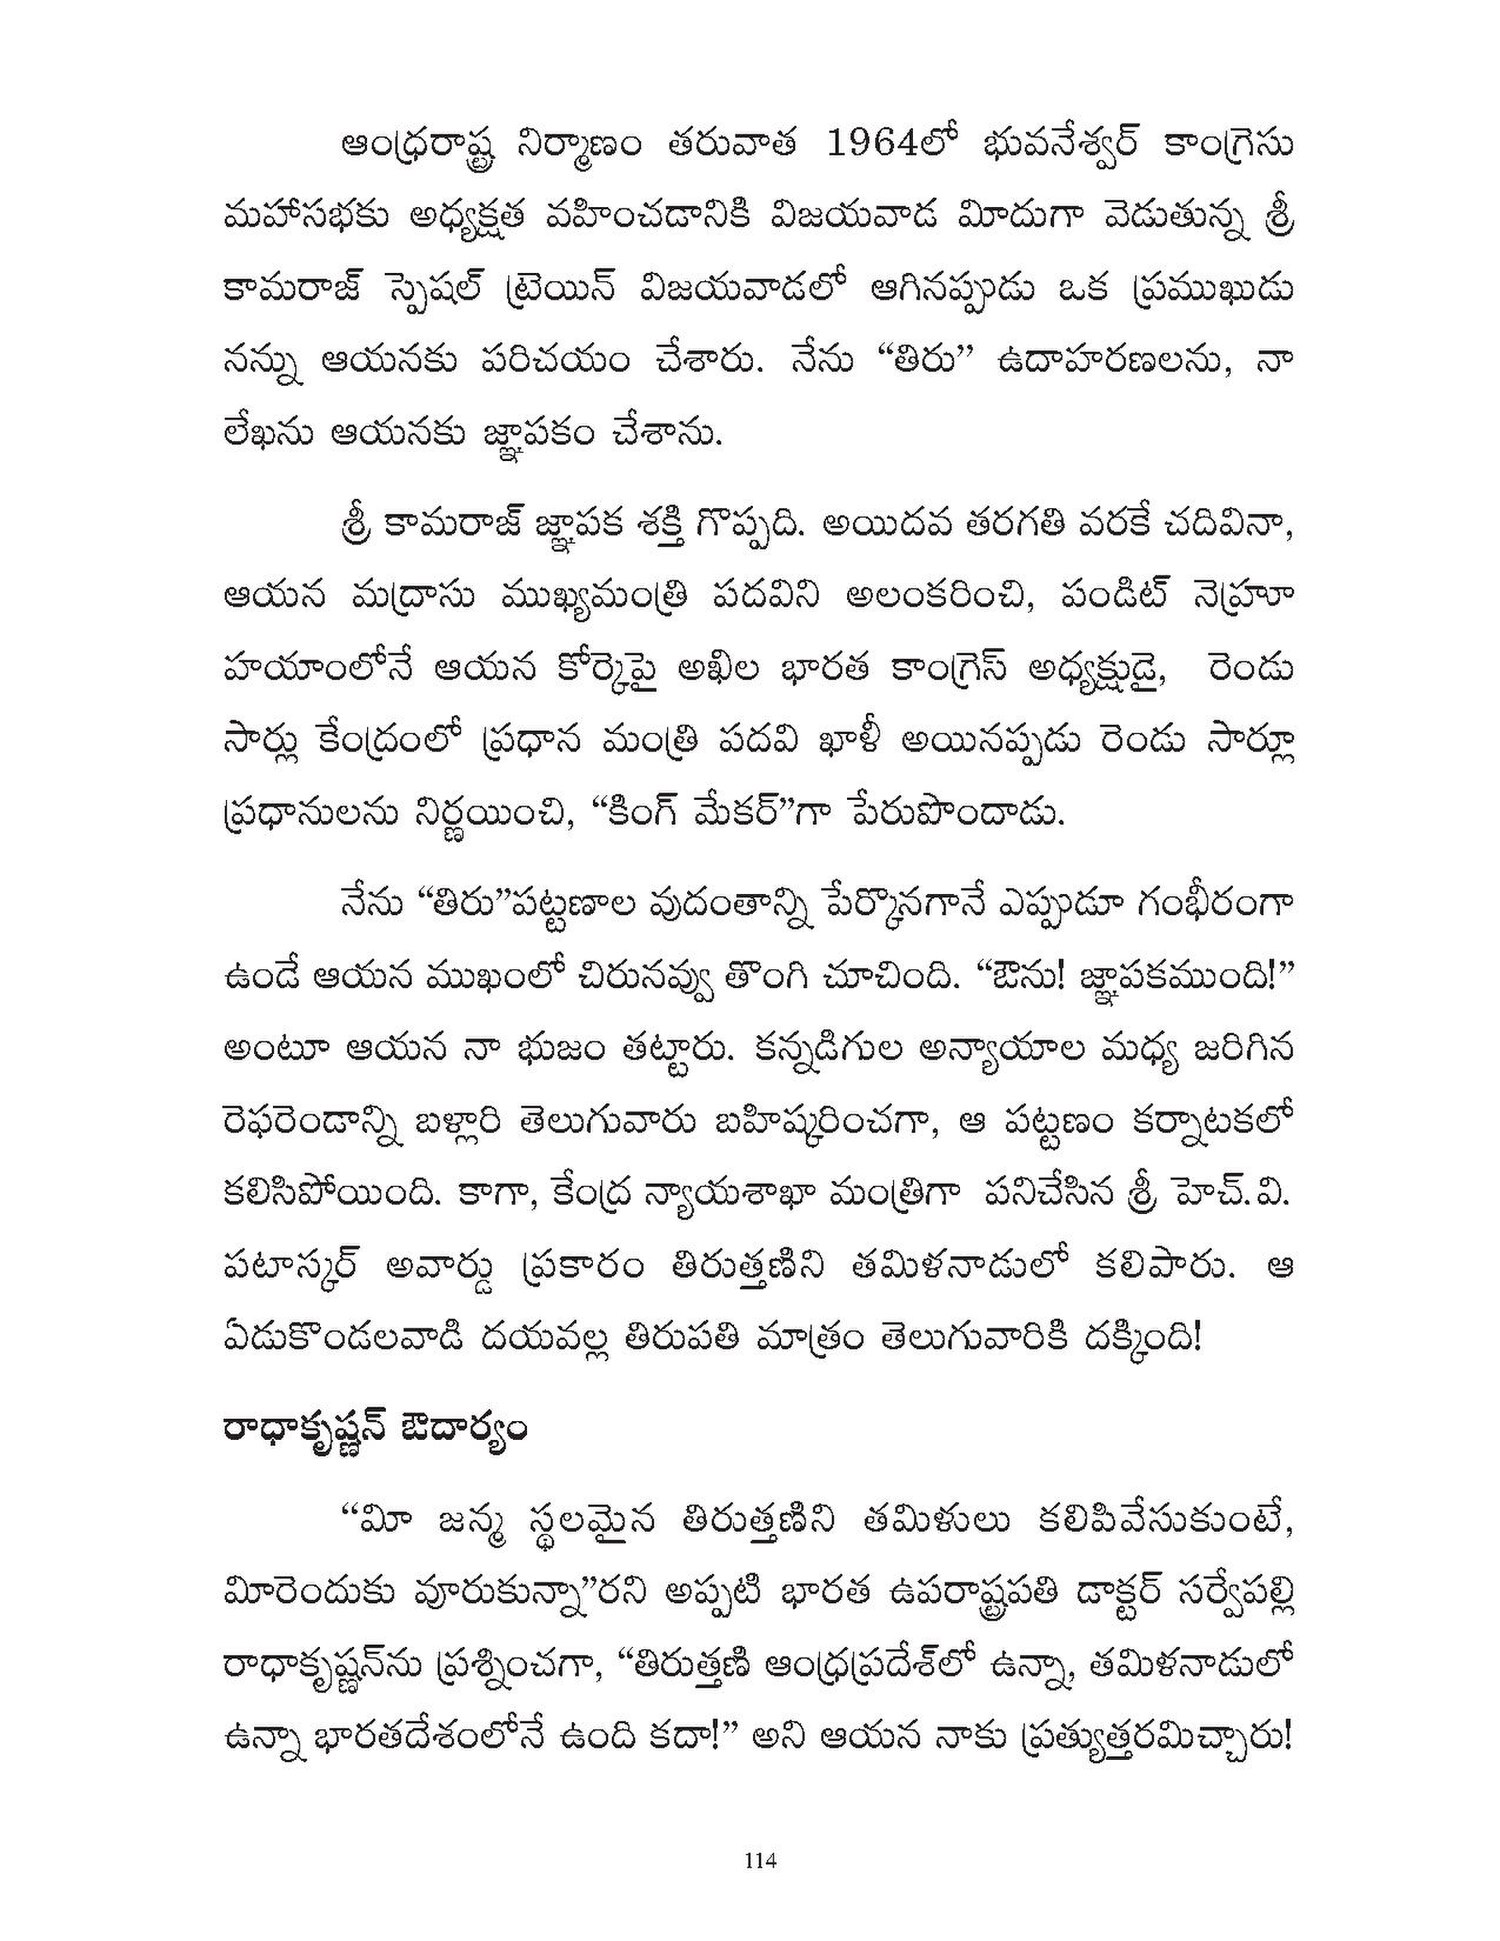ఆంధ్రరాష్ట్ర నిర్మాణం తరువాత 1964లో భువనేశ్వర్‌ కాంగ్రెసు
మహాసభకు అధ్యక్షత వహించడానికి విజయవాడ మీదుగా వెడుతున్న శ్రీ
కామరాజ్‌ స్పెషల్‌ ట్రెయిన్‌ విజయవాడలో ఆగినప్పుడు ఒక ప్రముఖుడు
నన్ను ఆయనకు పరిచయం చేశారు. నేను "తిరు" ఉదాహరణలను, నా
లేఖను ఆయనకు జ్ఞాపకం చేశాను.

శ్రీ కామరాజ్‌ జ్ఞాపక శక్తి గొప్పది. అయిదవ తరగతి వరకే చదివినా,
ఆయన మద్రాసు ముఖ్యమంత్రి పదవిని అలంకరించి, పండిట్‌ నెహ్రూ
హయాంలోనే ఆయన కోర్కెపై అఖిల భారత కాంగ్రెస్‌ అధ్యక్షుడై, రెండు
సార్లు కేంద్రంలో ప్రధాన మంత్రి పదవి ఖాళీ అయినప్పడు రెండు సార్లూ
ప్రధానులను నిర్ణయించి, "కింగ్‌ మేకర్‌"గా పేరుపొందాడు.

నేను "తిరు"పట్టణాల వుదంతాన్ని పేర్కొనగానే ఎప్పుడూ గంభీరంగా
ఉండే ఆయన ముఖంలో చిరునవ్వు తొంగి చూచింది. "ఔను! జ్ఞాపకముంది!"
అంటూ ఆయన నా భుజం తట్టారు. కన్నడిగుల అన్యాయాల మధ్య జరిగిన
రెఫరెండాన్ని బళ్లారి తెలుగువారు బహిష్కరించగా, ఆ పట్టణం కర్నాటకలో
కలిసిపోయింది. కాగా, కేంద్ర న్యాయశాఖా మంత్రిగా పనిచేసిన శ్రీ హెచ్‌.వి.
పటాస్కర్‌ అవార్డు ప్రకారం తిరుత్తణిని తమిళనాడులో కలిపారు. ఆ
ఏడుకొండలవాడి దయవల్ల తిరుపతి మాత్రం తెలుగువారికి దక్కింది!

రాధాకృష్ణన్‌ ఔదార్యం

"మీ జన్మ స్థలమైన తిరుత్తణిని తమిళులు కలిపివేసుకుంటే,
మీరెందుకు వూరుకున్నా"రని అప్పటి భారత ఉపరాష్ట్రపతి డాక్టర్ సర్వేపల్లి
రాధాకృష్ణన్‌ను ప్రశ్నించగా, "తిరుత్తణి ఆంధ్రప్రదేశ్‌లో ఉన్నా, తమిళనాడులో
ఉన్నా భారతదేశంలోనే ఉంది కదా!" అని ఆయన నాకు ప్రత్యుత్తరమిచ్చారు!